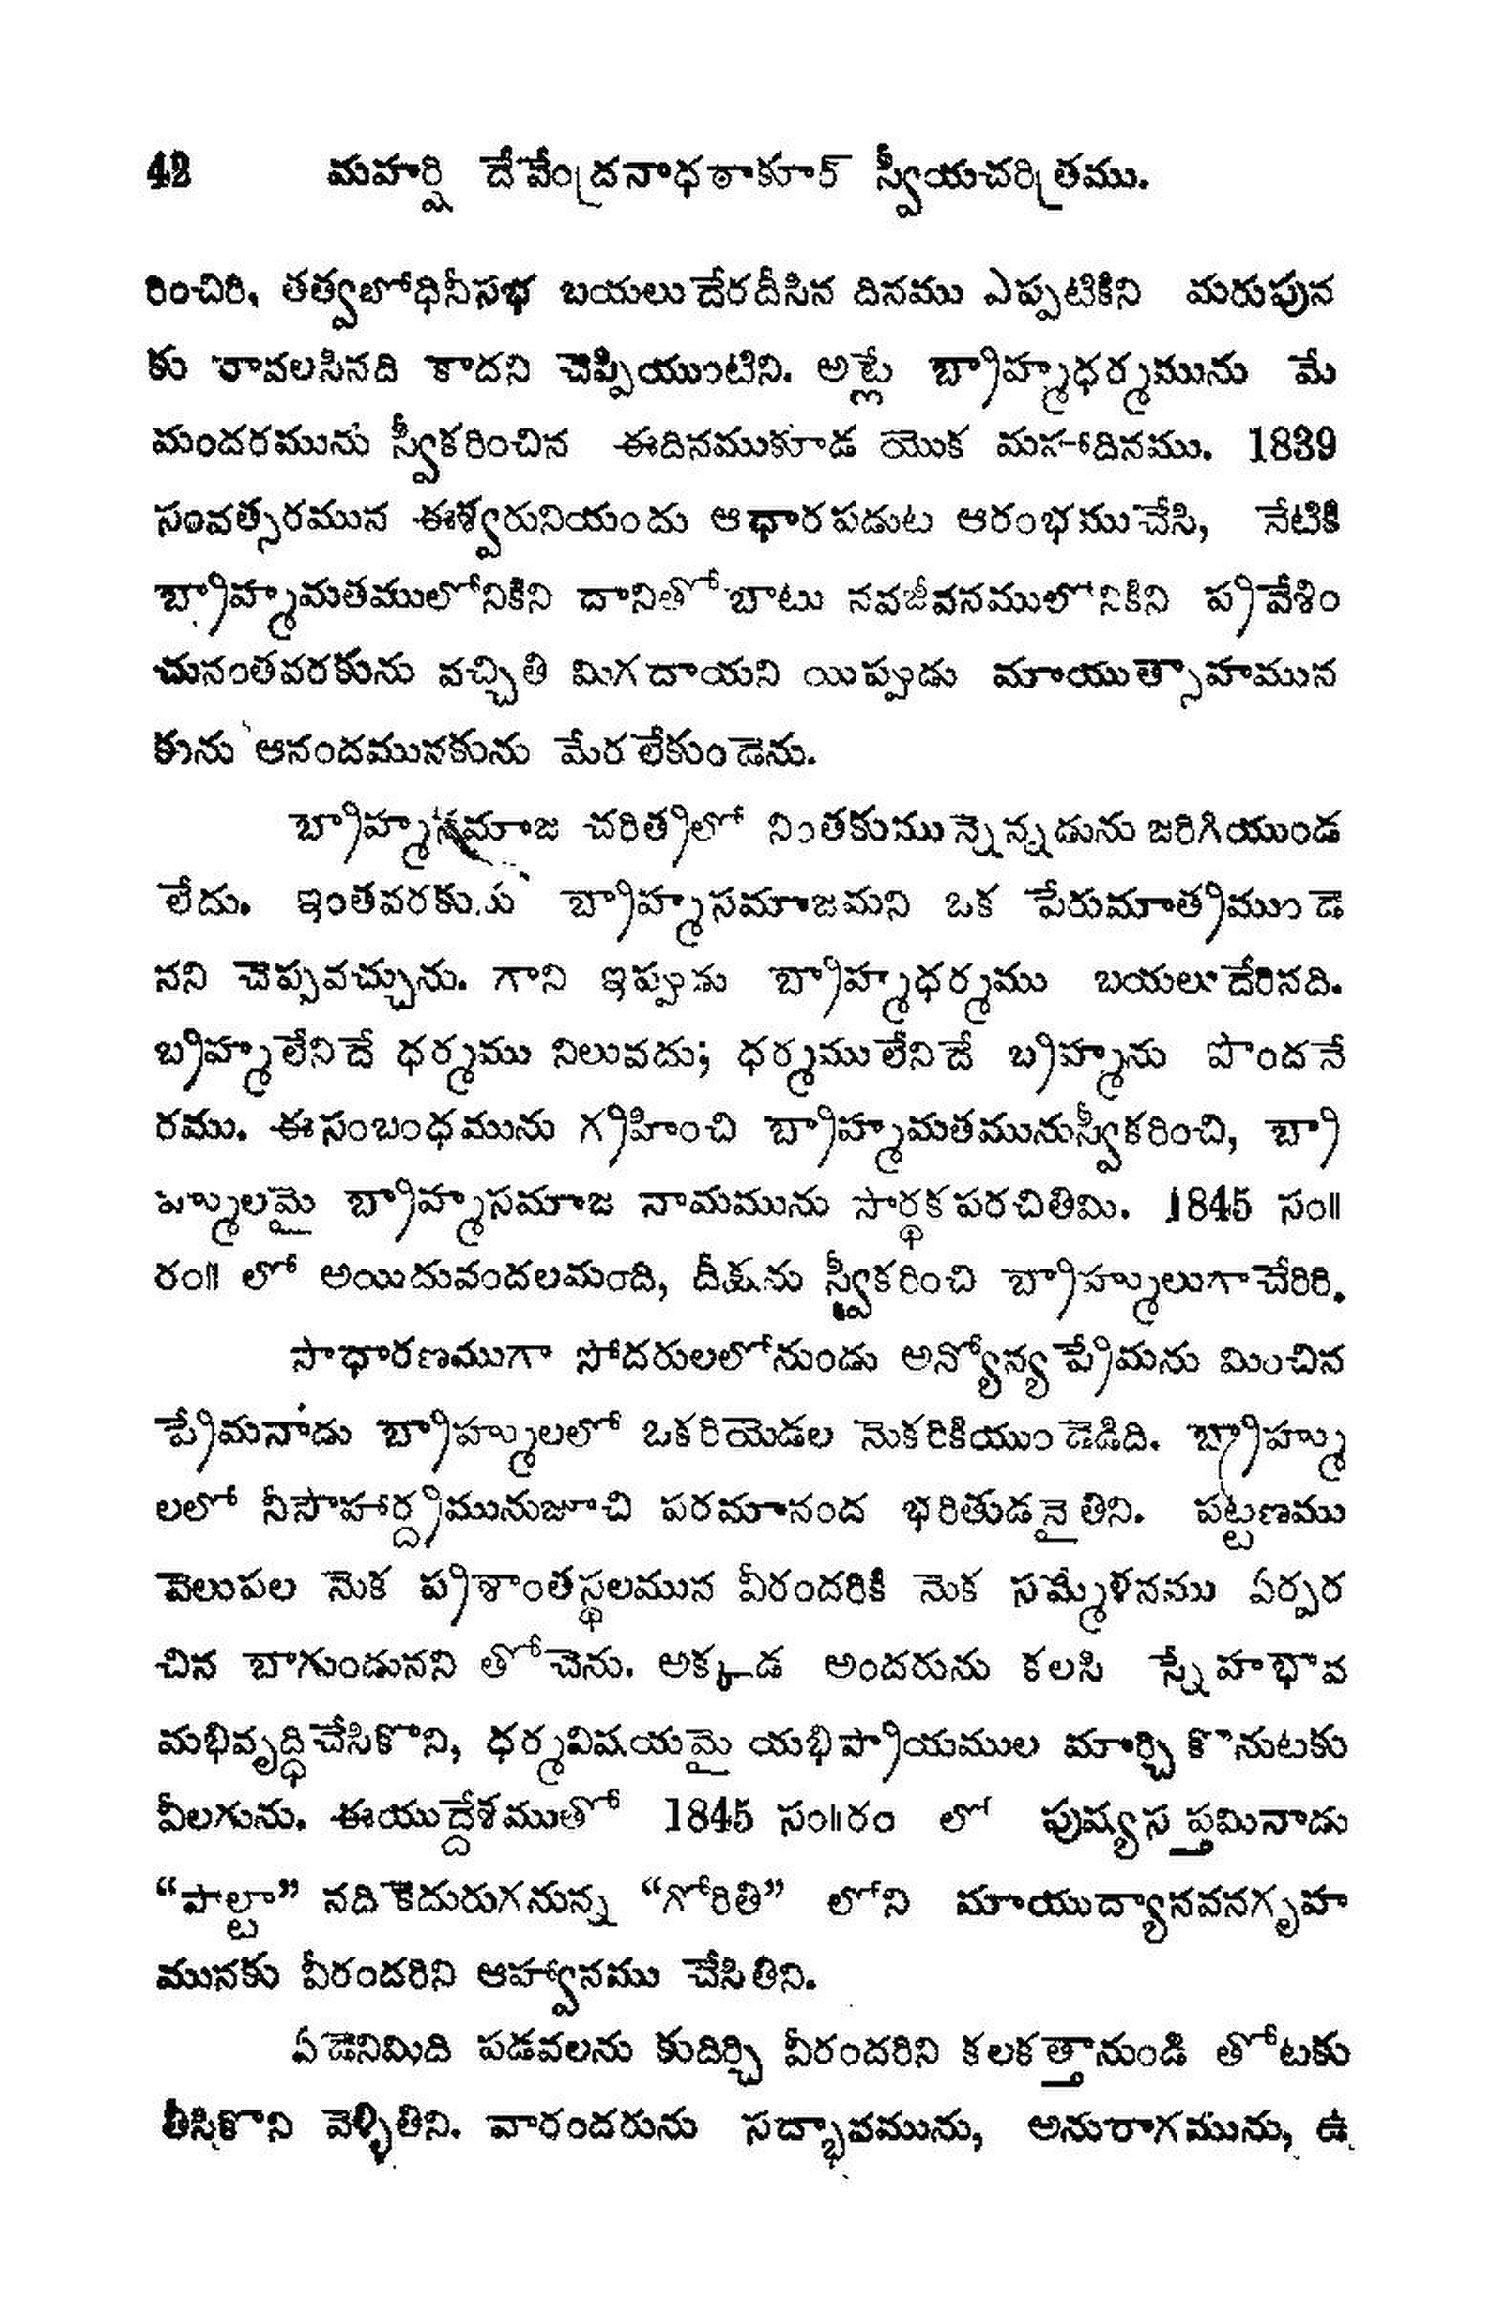రించిరి, తత్వబోధినీ సభ బయలు దేరదీసిన దినము ఎప్పటికిని మరుపున
కు 'రావలసినది కాదని చెప్పియుంటిని. అట్లే బాహ్మధర్మమును మే
మందరమును స్వీకరించిన ఈదినముకూడ యొక మమా దినము, 1899
సంవత్సరమున ఈశ్వరునియందు ఆధారపడుట ఆరంభము చేసి, నేటికి
బాహ్మమతములోనికిని దానితో బాటు నవజీవనము లోనికిని ప్రవేశిం
చునంతవరకును వచ్చితిమి గదాయని యిప్పుడు మాయుత్సాహమున
కును ఆనందమునకును మేర లేకుండెను.

సమాజ చరిత్రలో నితకుమున్నెన్నడును జరిగి యుండలేదు. ఇంతవరకు బాహ్మ సమాజమని ఒక పేరు మాత్రముండెనని చెప్పవచ్చును. గాని ఇప్పుడు బ్రాహ్మధర్మము బయలు దేరినది.బ్రహ్మ లేనిదే ధర్మము నిలువదు; ధర్మము లేనిదే బ్రాహ్మను పొంద నేరము. ఈ సంబంధమును గ్రహించి బాహ్మమతమును స్వీకరించి, బాహ్మూలమై బాహ్మసమాజ నామమును సార్థక పరచితిమి. 1845 సం|| రం! లో అయిదువందల
మంది, దీక్షను స్వీకరించి 'బాహ్ములుగా చేరిరి.సాధారణముగా సోదరులలోనుండు అన్యోన్య ప్రేమను మించిన ప్రేమనాడు బ్రాహ్ములలో ఒక రియెడల ఒక రికియుం డెడిది. బ్రాహ్ములలో నీసౌహార్ద్రమునుజూచి పరమానంద భరితుడనైతిని. పట్టణము
వెలుపల ఒక ప్రశాంత స్థలమున వీరందరికీ ఒక సమ్మేళనము ఏర్పర
చిన బాగుండునని తోచెను. అక్కడ అందరును కలసి స్నేహభావ
మభివృద్ధి చేసికొని, ధర్మవిషయమై యభి ప్రాయముల మార్చి కొనుటకు
వీలగును. ఈ యుద్దేశముతో 1895 సం||రం లో పుష్య సప్తమినాడు"పొల్టా" నది కెదురుగనున్న “గోరితి” లోని మాయుద్యానవనగృహమునకు వీరందరిని ఆహ్వానముచేసితిని. 

ఏడెనిమిది పడవలను కుదిర్చి వీరందరిని కలకత్తా నుండి తోటకు తీసికొని వెళ్ళితిని, వారందరును సద్భావమును, అనురాగమును, ఉ